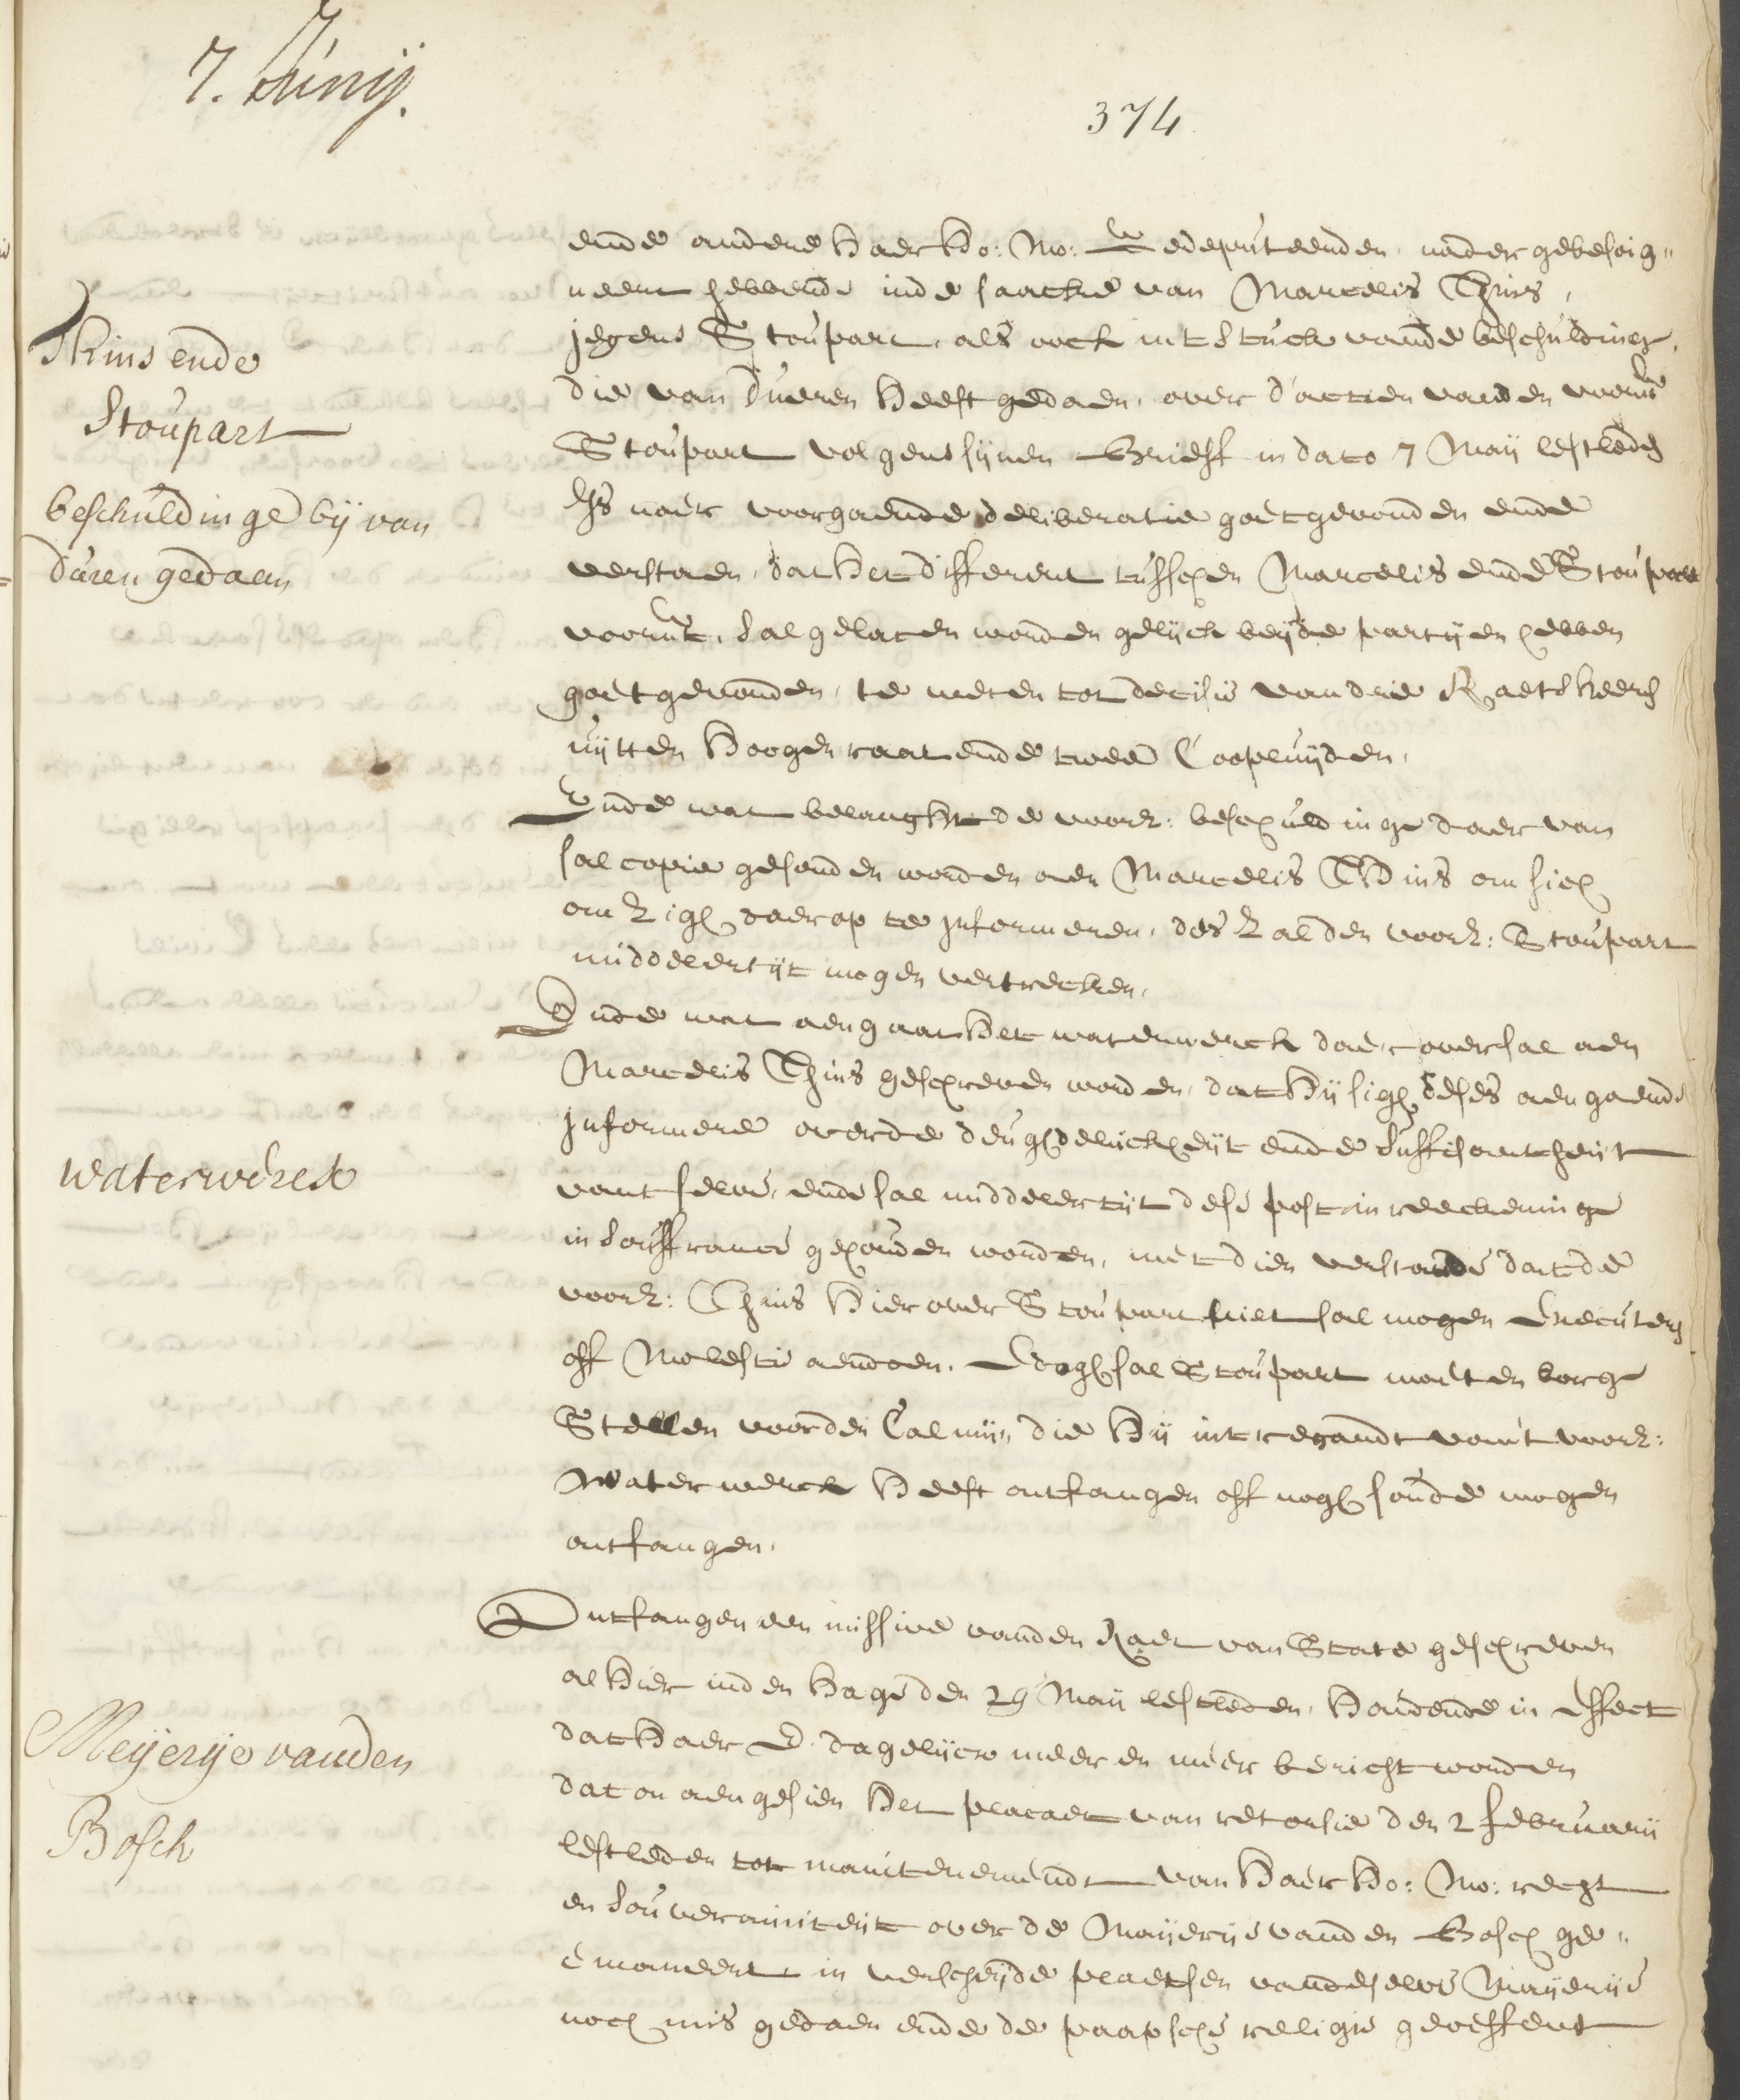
374
7. Junij.
Thins ende
Stoupart
beschuldinge bij van
duren gedaen
ende andere haer Ho:Mo: Gedeputeerden nader gebesoig„
neert hebbende inde saecke van Marcelis Thins
jegens Stoupart als oock in 't stuck vande beschulding
die van dueren heeft gedaen, over d'actien vanden voorn
Stoupart volgens sijnen brieff in dato 7 Maij lestleden.
Is naer voorgaende deliberatie goetgevonden ende
verstaen, dat het different tusschen Marcelis ende Stoupart
voornt sal gelaten worden gelijck beijde partijen hebben
goetgevonden, te weten tot decisie vandie Raetsheeren
uijtten Hoogen raat ende twee Coopluijden.
Ende wat belanght de voorz: beschulding daervan
sal copie gesonden worden aen Marcelis Thins om sich
om zigh daerop te informeren, des zal den voorz: Stoupart
middelertijt mogen vertrecken.
Waterwerck
Ende wat aengaen het waterwerck daer over sal aen
Marcelis Thins geschreven worden, dat hij sigh aengaende
informere over de deughdelickheijt ende suffisentheijt
vant selve, ende sal middelertijt dese post in reeckeninge
in souffrance gehouden worden, met dien verstande dat de
voorz: Thins hier over Stoupart niet sal mogen executeren
off molestie aendoen. Edoch sal Stoupart metten borge
stellen voorden Calmijn die hij int regardt van 't voorz:
waterwerck heeft ontfangen off nogh soude mogen
ontfangen.
Meijerije vanden
Bosch
Ontfangen een missive vanden Raet van State geschreven
alhier inden Hage den 29 Maij lestleden, Houdende in effect
dat haer E. dagelijcx meer en meer bericht worden
dat onaengesien het placaet van retorsie den 2 Februarij
lestleden tot maintenemendt van Haer Ho:Mo: recht
ende souverainiteijt over de Meijerije vanden Bosch ge„
emaneert in verscheijde plaetsen vande selve Meijerije
noch mis gedaen ende de paapsche religie geoeffent
